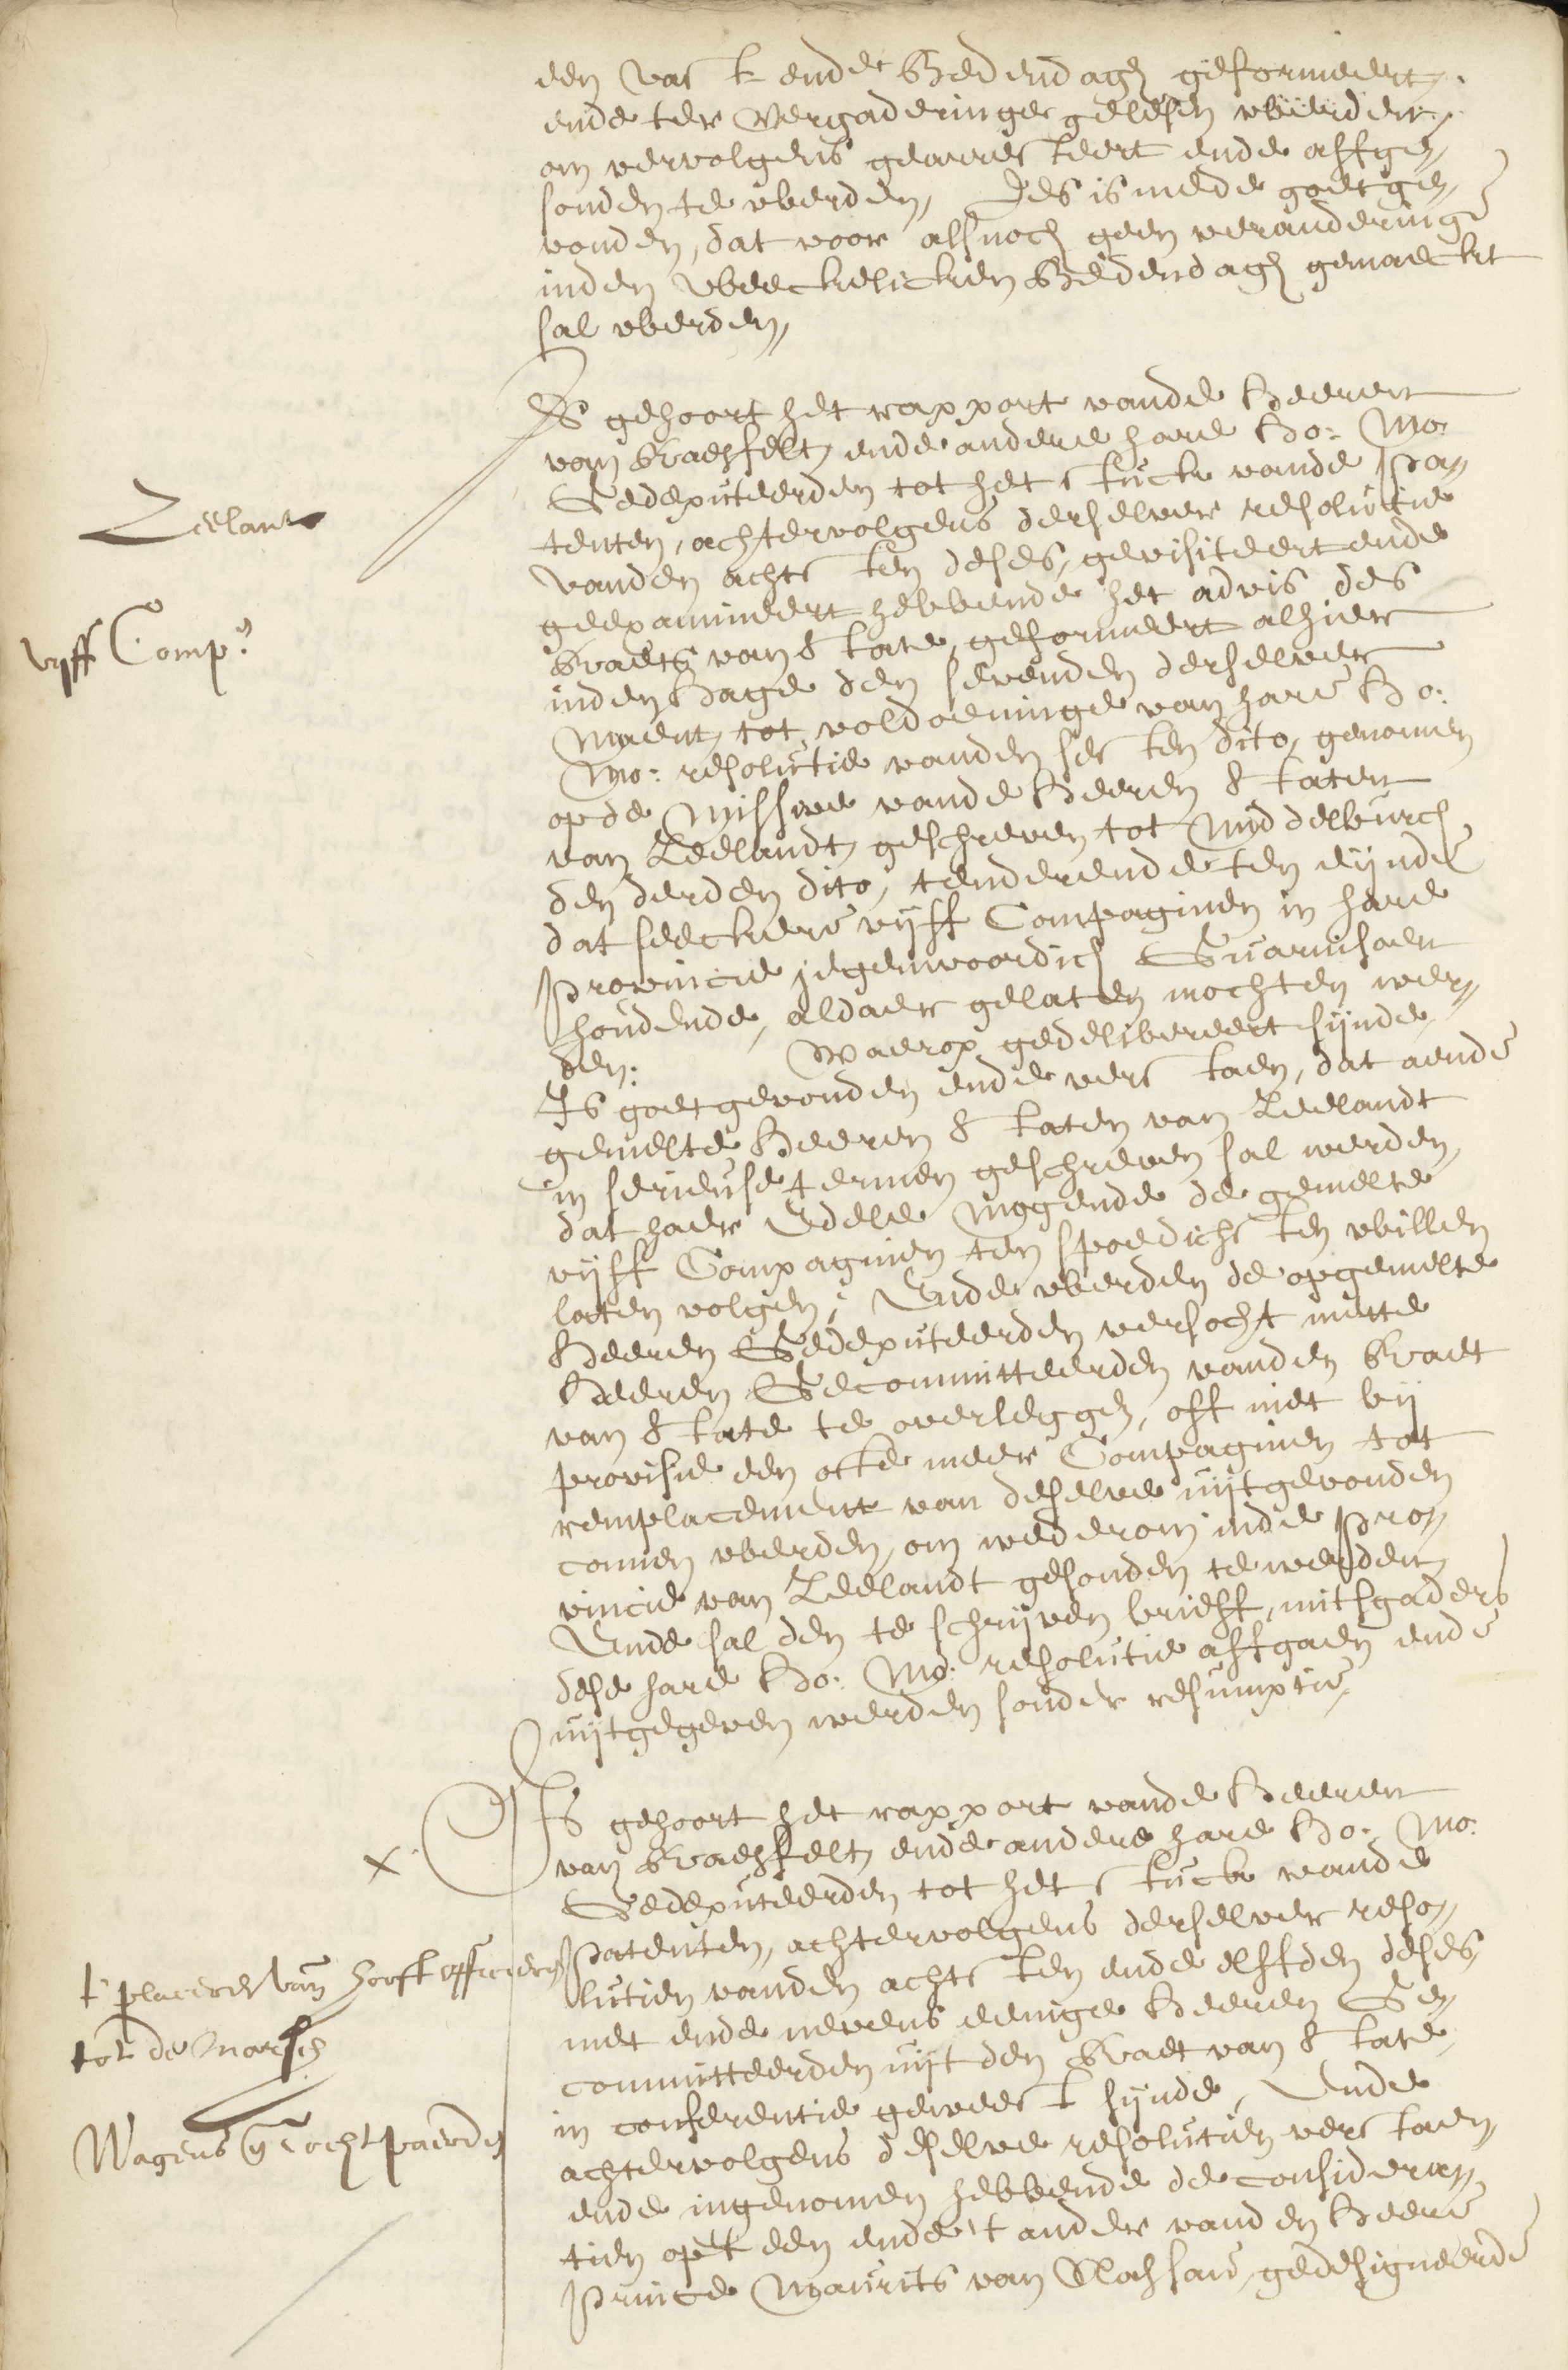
een vast ende Bedendagh geformeert,
ende ter Vergaderinge gelesen werden,
om vervolgens gearresteert ende affge„
sonden te werden. Des is mede goetge„
vonden, dat voor alsnoch geen veranderinge
inden weeckelicken Bedendagh gemaeckt
sal werden.
Zeelant
vyff Compen.
Is gehoort het rapport vande Heeren
van Raesfelt, ende andere hare Ho:Mo:
Gedeputeerden tot het stuck vande Pa„
tenten, achtervolgens derselver resolutie
vanden achtsten deses, gevisiteert ende
geexamineert hebbende het advis des
Raets van State, geformeert alhier
inden Hage den sevenden derselver
maent, tot voldoeninge van hare Ho:
Mo: resolutie vanden sesten dito, genomen
opde Missive vande Heeren Staten
van Zeelandt, geschreven tot Middelburch
den derden dito, tenderende ten eijnde
dat seeckere vijff Compagnien in hare
Provincie jegenwoordich Guarnisoen
houdende, aldaer gelaten mochten wer„
den: Waerop gedelibereert sijnde
Is goetgevonden ende verstaen, dat aende
gemelte Heeren Staten van Zeelandt
in serieuse termen geschreven sal werden,
dat haer Edele mogende de gemelte
vijff Compagnien ten spoedichsten willen
laten volgen; Ende werden de opgemelte
Heeren Gedeputeerden versocht mitte
Heeren Gecommitteerden vanden Raet
van State te overleggen, off niet bij
provisie een ofte meer Compagnien tot
remplacement van deselve uijtgevonden
connen werden, om wederom inde Pro„,
vincie van Zeelandt gesonden te werden,
Ende sal den te schrijven brieff, mitsgaders
dese hare Ho:Mo: resolutie affgaen ende
uijtgegeven werden sonder resumptie.
t' placeren van hooft officieren
tot de Marsch.
Wagens & tochtpaerden
Is gehoort het rapport vande Heeren
van Raesfelt, ende andere hare Ho:Mo:
Gedeputeerden tot het stuck vande
Patenten, achtervolgens derselver reso„
lutien vanden achtsten ende elffden deses,
met ende nevens eenige Heeren Ge„
committeerden uijt den Raet van State,
in conferentie geweest sijnde, Ende
achtervolgens deselve resolutien verstaen,
ende ingenomen hebbende de considera„
tien op‛t een ende 't ander vanden Heere
Prince Maurits van Nassau, gedesigneerd
